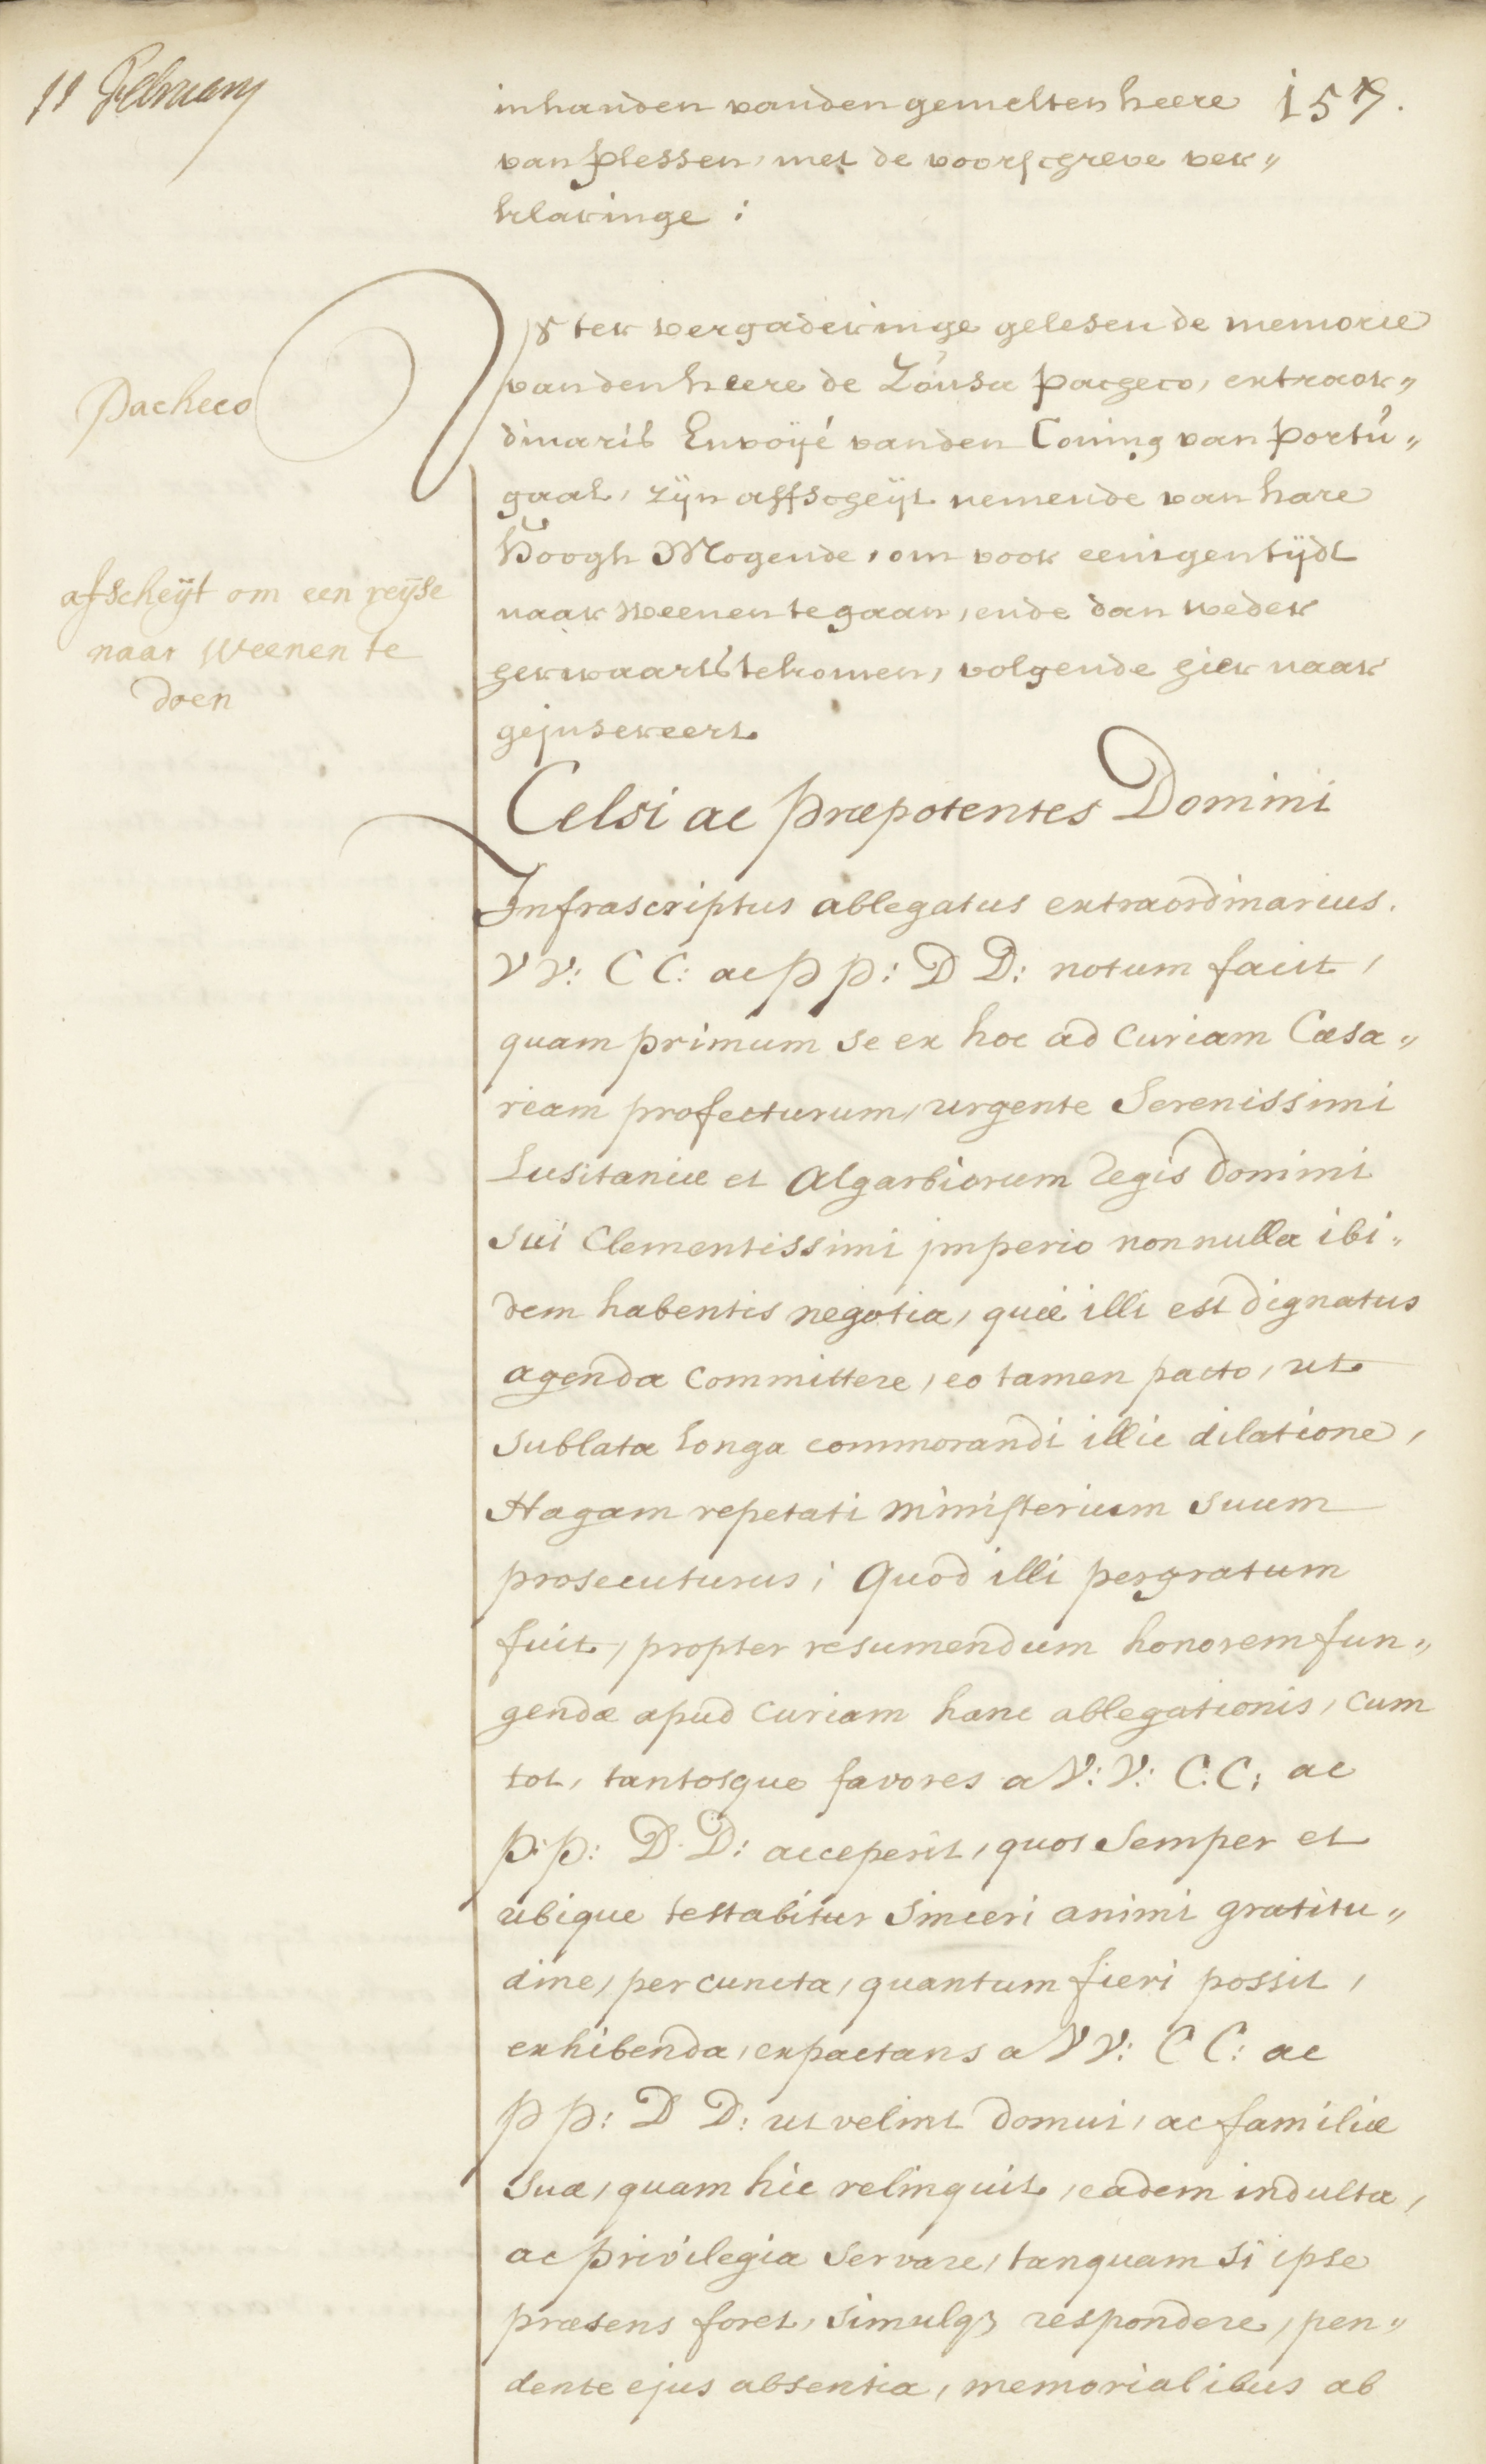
157
11 February
Pacheco
afscheijt om een reijse
naar Weenen te
doen
in handen vanden gemelten heere
van Plessen, met de voorschreve ver„
klaringe:
Is ter vergaderinge gelesen de memorie
van den heere Zousa Pacheco, extraor„
dinaris Envoijé vanden Coning van Portu„
gaal, zijn affscheijt nemende van hare
Hoogh Mogende, om voor eenigen tijdt
naar Weenen te gaan, ende doen weder
herwaarts te komen, volgende hier naar
geinsereert
Celsi ac præpotentes Domini
Infrascriptus ablegatus extraordinarius
VV: CC: acPP: DD: notum facit,
quam primum se ex hoc ad curiam casa„
ream profecturum, urgente serenissimi
lusitanæ et algarbiorum regis domini
sui clementissimi imperio non nulla ibi„
dem habentis nogotia, quæ illi est dignatus
agenda committere, eo tamen pacto, ut
sublata longa commorandi illie dilatione,
Hagam repetati ministerium suum
prosecuturus; quod illi pergratum
fuit, propter resumendum honorem fun„
gendæ apud curiam hane ablegationis, cum
tot, tantosque favores a V:V: C.C: ac
P:P: D.D: acceperit, quot semper et
ubique testabitur Sineeri animi gratitu„
dine, per cuncta, quantum fieri possit,
exhibenda, expactans a VV: CC: ac
PP: DD: ut velint domui, ac familiæ
suæ, quam hic relinquit, cadem indulta,
ac privilegia servare, tanquam si ipse
præsens foret, simulq respondere, pen„
dente ejus absentia, memorialibus ab
